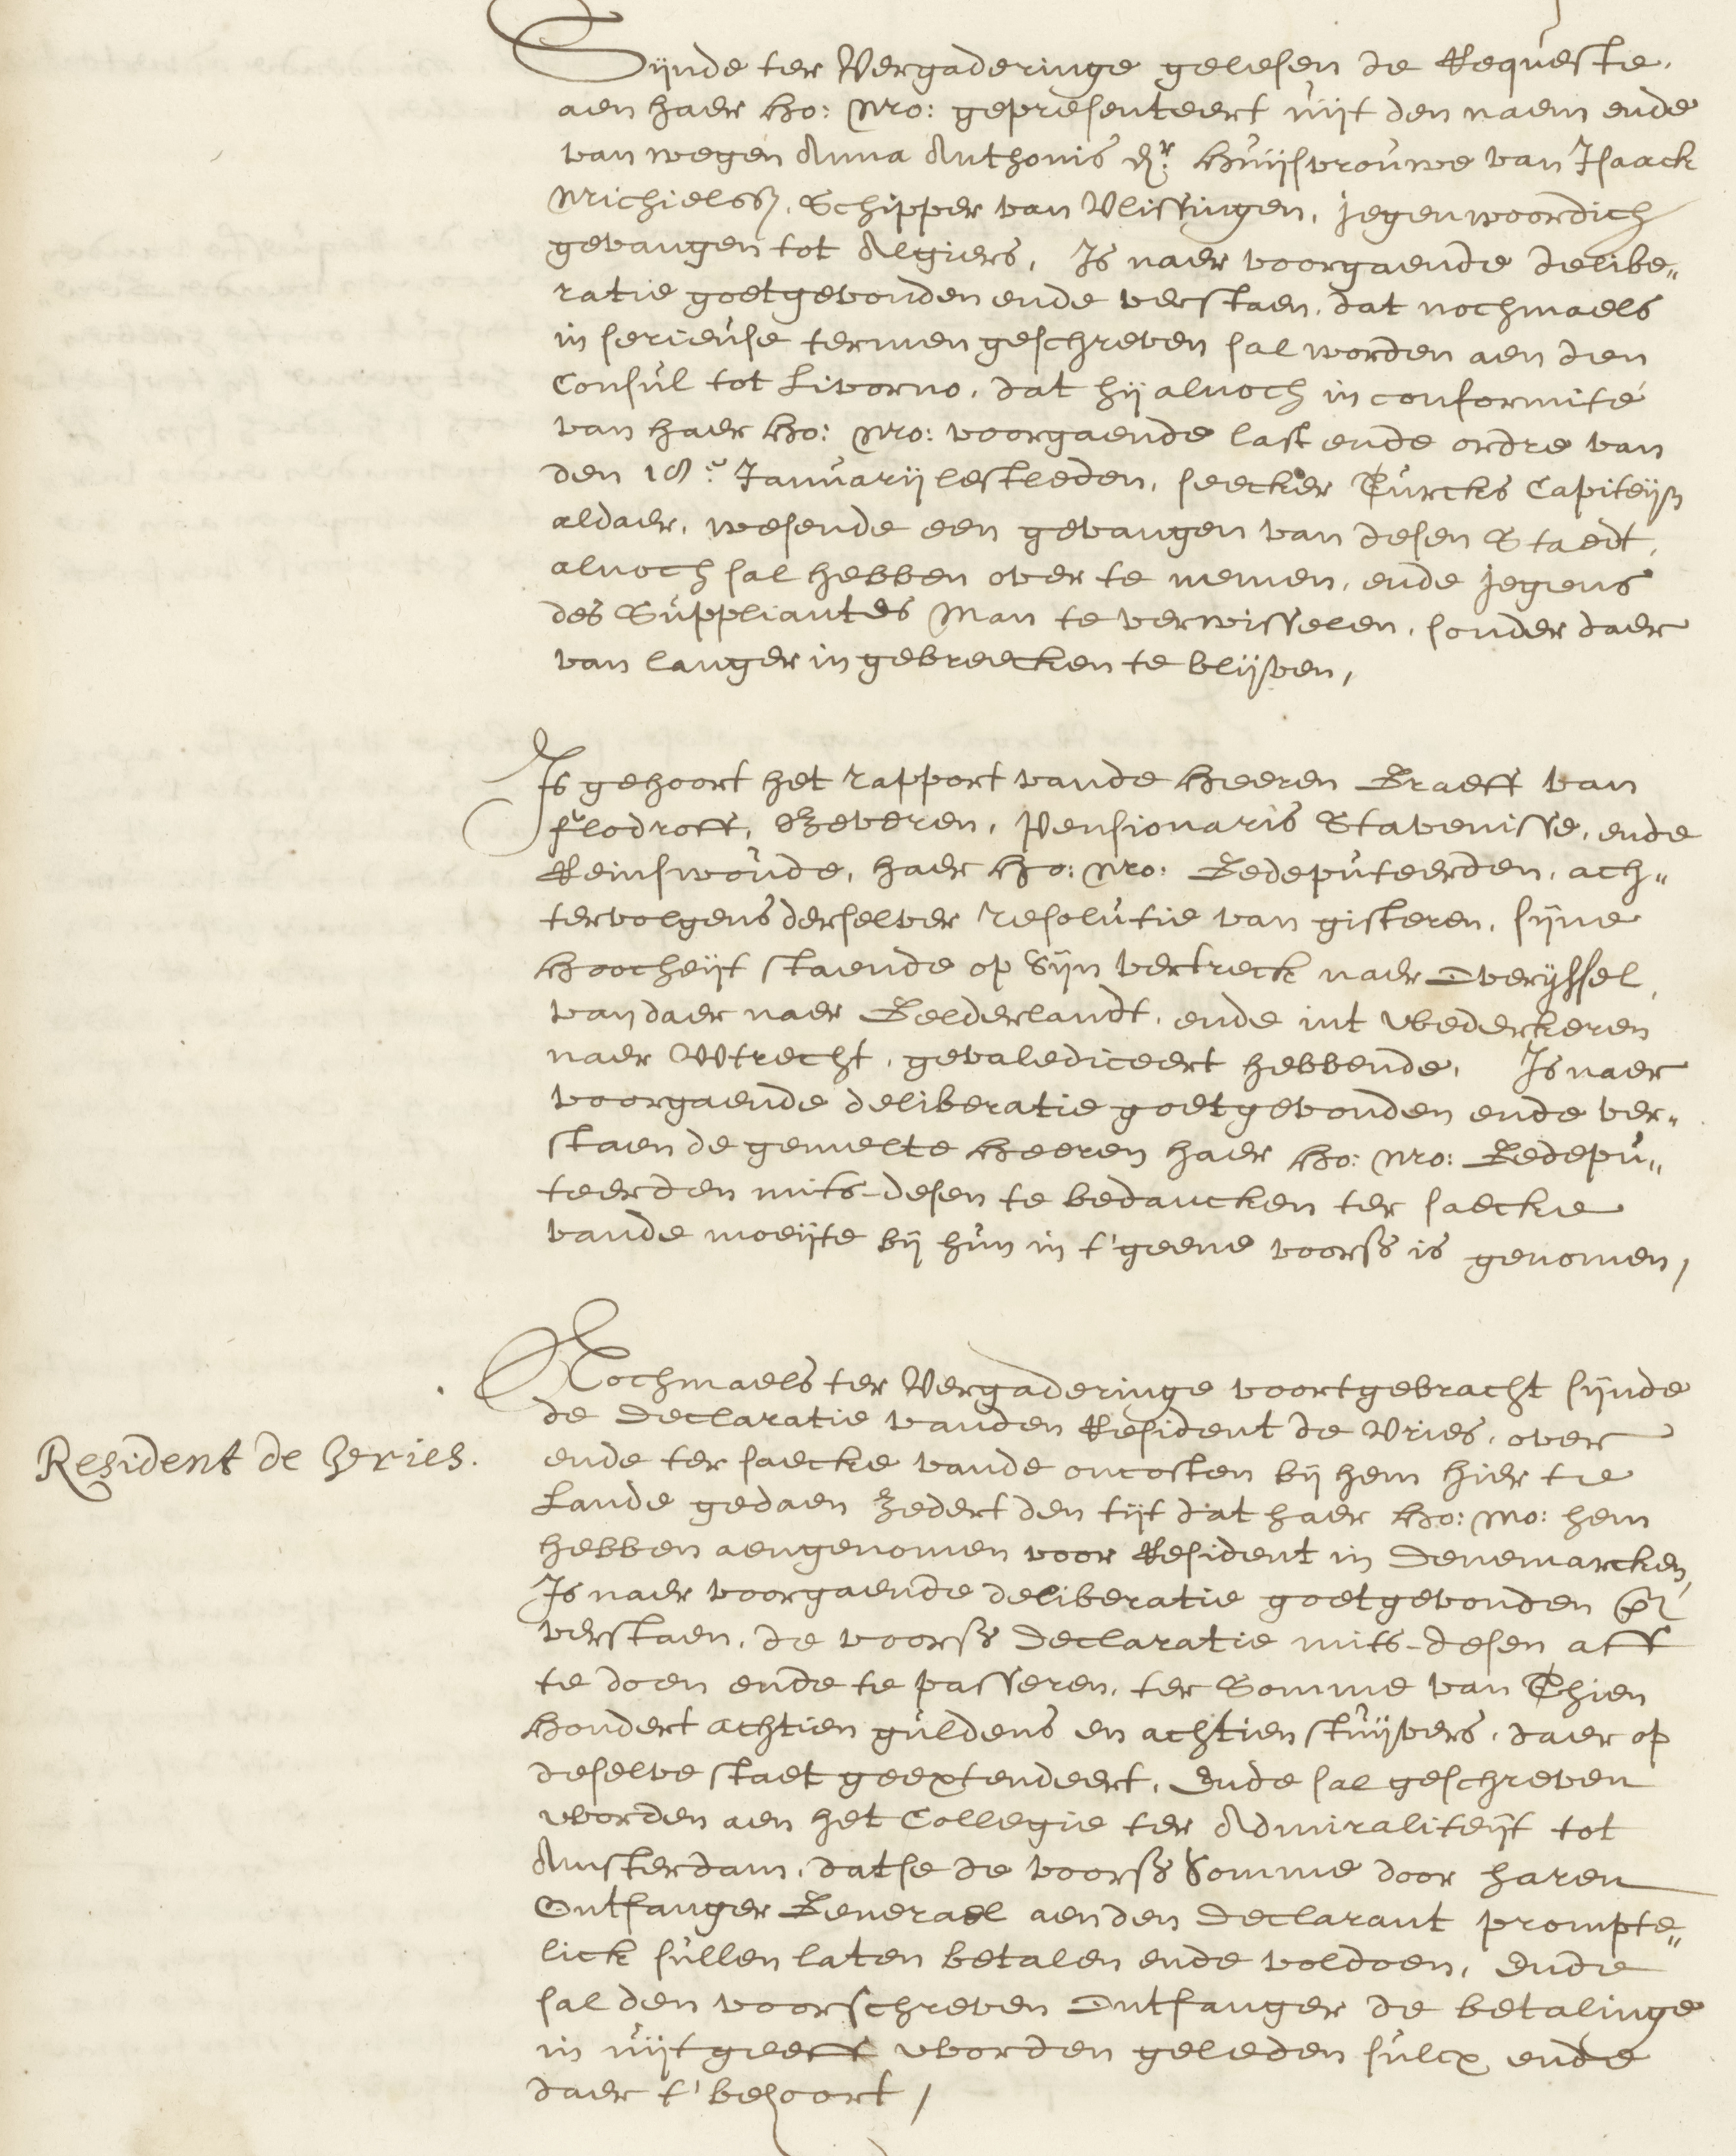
Sijnde ter Vergaderinge gelesen de Requeste
aen haer Ho:Mo: gepresenteert uijt den naem ende
van wegen Anna Anthonisdr. huijsvrouwe van Isaack
Michielsz, Schipper van Vlissingen, jegenwoordich
gevangen tot Algiers, Is naer voorgaende delibe,,
ratie goetgevonden ende verstaen, dat nochmaels
in serieuse termen geschreven sal worden aen den
Consul tot Livorno, dat hij alnoch in conformité
van haer Ho:Mo: voorgaende last ende ordre van
den 18e. Januarij lestleden, seecker Turcks Capiteijn
aldaer, wesende een gevangen van desen Staedt
alnoch sal hebben over te nemen, ende jegens
des Suppliantes man te verwisselen, sonder daer
van langer in gebreecken te blijven,
Is gehoort het rapport vande Heeren Graeff van
Flodroff, Beveren, Pensionaris Stavenisse, ende
Reinswoude, haer Ho:Mo: Gedeputeerden, ach„
tervolgens derselver resolutie van gisteren, sijne
Hoocheijt staende op Sijn vertreck naer Overijssel,
van daer naer Gelderlandt, ende int wederkeren
naer UUtrecht, gevalediceert hebbende, Is naer
voorgaende deliberatie goetgevonden ende ver,,
staen de gemelte heeren haer Ho:Mo: Gedepu„
teerden mits desen te bedancken ter saecke
vande moeijte bij hun in t'geene voors is genomen,
Resident de Vries.
Nochmaels ter Vergaderinge voortgebracht sijnde
de declaratie vanden Resident de Vries, over
ende ter saecke vande oncosten bij hem hier te
Lande gedaen zedert den tijt dat haer Ho:Mo: hem
hebben aengenomen voor Resident in Denemarcken
Is naer voorgaende deliberatie goetgevonden &
verstaen, de voors declaratie mits desen aff
te doen ende te passeren, ter Somme van Thien
hondert achtien guldens en achtien stuijvers, daer op
deselve staet geextendeert, Ende sal geschreven
worden aen het Collegie ter Admiraliteijt tot
Amsterdam, datse de voors Somme door haren
Ontfanger Generael aen den declarant prompte„
lick sullen laten betalen ende voldoen, ende
sal den voorschreven Ontfanger de betalinge
in uijtgeeff worden geleden sulcx ende
daer t' behoort.
